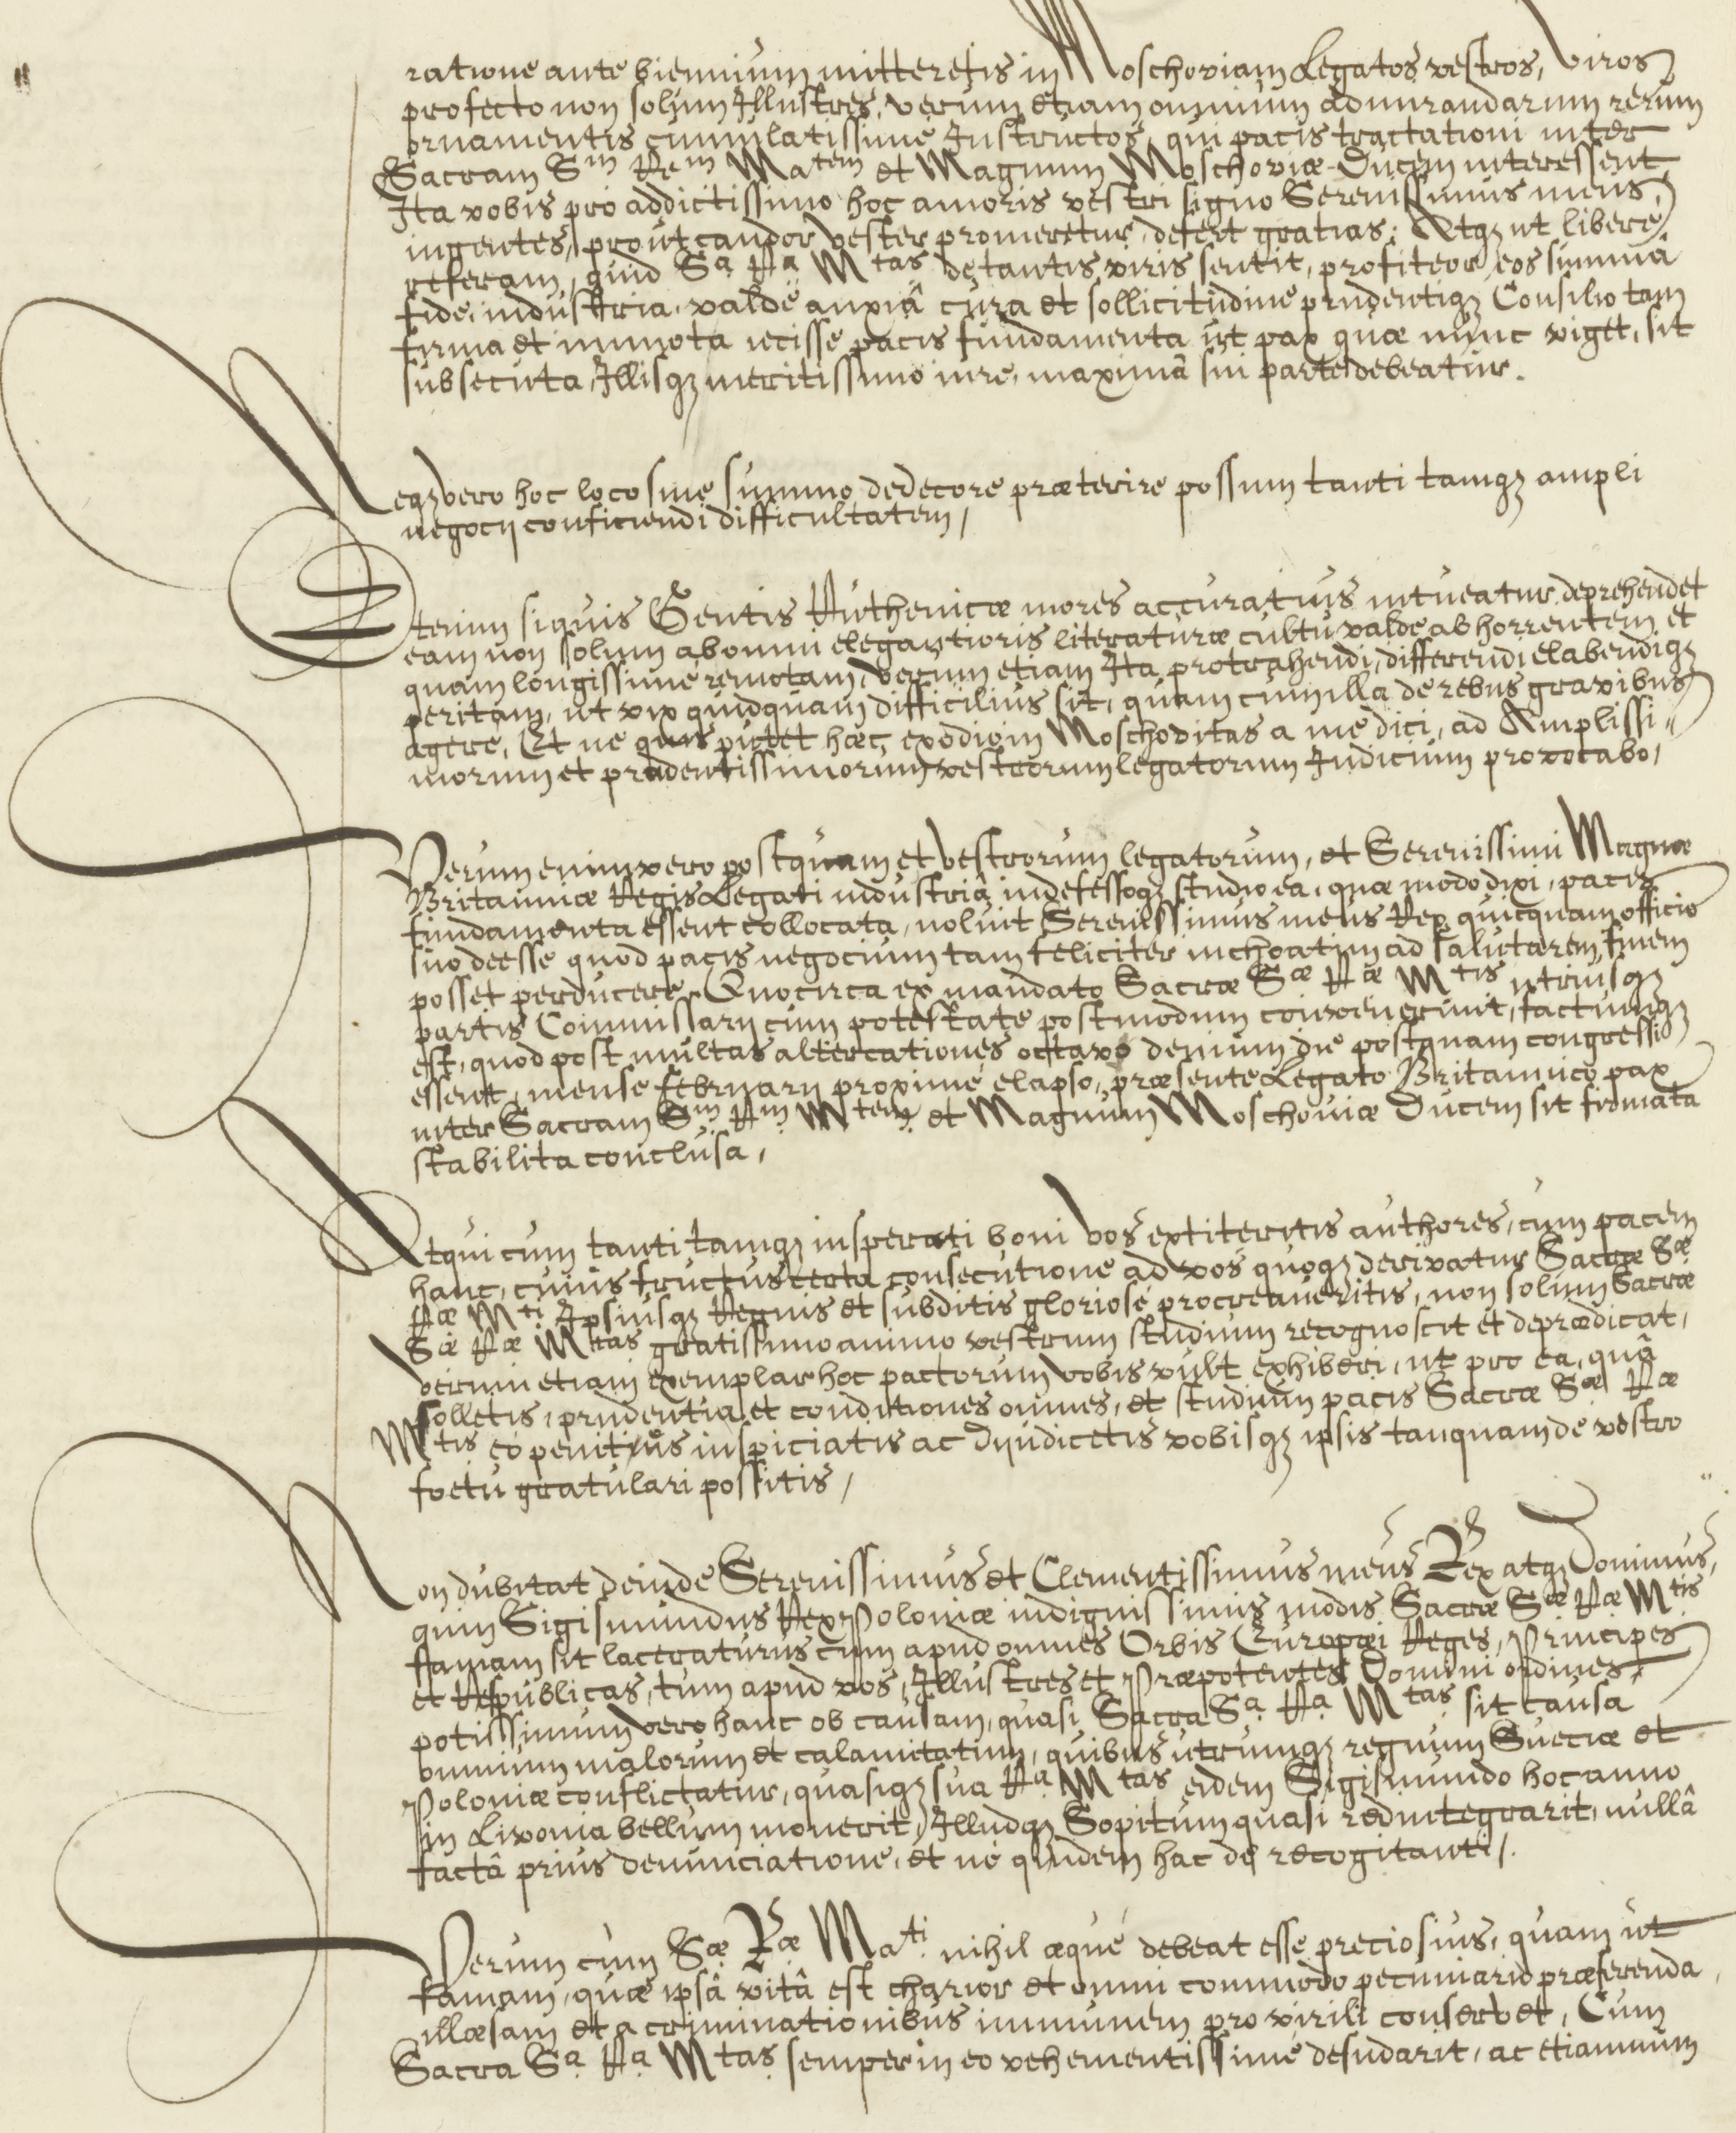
ratione ante biennium mitteretis in Moschoviam Legatos vestros, viros
profecto non solum Illustres, verum etiam omnium admirandarum rerum
ornamentis cumulatissime Instructos, qui pacis tractationi inter
Sacram Sm Rem Matem et Magnum Moschoviæ Ducem interessent.
Ita vobis pro addictissimo hoc amoris vestri signo Serenissimus meus
ingentes, prout candor vester promeretur, defert gratias; Atque ut libere
referam, quid Sa Ra Mtas de tantis viris sentit, profiteor eos summa
fide, industria, valde anxia cura et sollicitudine prudentique Consilio tam
firma et immota iecisse pacis fundamenta ut pax quæ nunc viget, sit
sub secuta, Illisque meritissimo iure maxima sui parte debeatur.
Neque vero hoc loco sine summo dedecore præterire possum tanti tamque ampli
negocii conficiendi difficultatem.
Etenim si quis Gentis Ruthenicæ mores accuratius intueatur deprehendet
eam non solum ab omni elegantioris literaturæ cultu valde ab horrentem et
quam longissime remotam, verum etiam Ita protrahendi, differendi elabendique
peritam, ut vix quidquam difficilius sit, quam cum illa de rebus gravibus
agere. Et ne quis putet hæc ex odio in Moschovitas a me dici, ad Amplissi,,
morum et prudentissimorum vestrorum legatorum Judicium provocabo.
Verum enim vero postquam et vestrorum legatorum, et Serenissimi Magnæ
Britanniæ Regis Legati industria indefessoque studio ea, quæ modo dixi, pacis
fundamenta essent collocata, noluit Serenissimus meus Rex, quicquam officio
suo deesse quod pacis negocium tam feliciter inchoatum ad salutarem finem
posset perducere. Quo circa ex mandato Sacræ Sæ. Ræ. Mtis utriusque
partis Commissarii cum potestate postmodum convenerunt, factumque
est, quod post multas altercationes octavo demum die postquam congressi
essent, mense februarii proxime elapso, præsente Legato Britannico pax
inter Sacram Sm. Rm. Mtem. et Magnum Moschouiæ Ducem sit firmata
stabilita conclusa.
Atqui cum tanti tamque insperati boni vos extiteritis authores, cum pacem
hanc, cuius fructus certa consecutione ad vos quoque derivatur Sacræ Sæ
Ræ Mti. Ipsiusque Regnis et subditis gloriose procreaueritis, non solum Sacræ
Sæ Ræ Mtas gratissimo animo vestrum studium recognoscit et deprædicat,
verum etiam Exemplar hoc pactorum vobis vult exhiberi, ut pro ea, qua
solletis, prudentia et conditiones omnes, et studium pacis Sacra Sæ Ræ
Mtis eo penitius inspiciatis ac dijudicetis vobisque ipsis tanquam de vestro
foetu gratulari possitis.
Non dubitat deinde Serenissimus et Clementissimus meus Rex atque Dominus,
quin Sigismundus Rex Poloniæ indignissimis modis Sacræ Sæ Ræ Mtis
famam sit laceraturus cum apud omnes Orbis Europæi Reges, Principes
et Respublicas, tum apud vos, Illustres et Præpotentes Domini ordines,
potissimum vero hanc ob causam, quasi Sacra Sa Ra Mtas sit causa
omnium malorum et calamitatum, quibus utrumque regnum Sueciæ et
Poloniæ conflictatur, quasique sua Ra Mtas eidem Sigismundo hoc anno
in Livonia bellum mouerit Illudque Sopitum quasi redintegrarit, nulla
facta prius denunciatione, et ne quidem hac de re cogitanti.
Verum cum Sæ. Ræ. Mati. nihil æque debeat esse preciosius quam ut
famam, quæ ipsa vita est charior et omni commodo pecuniaris præferenda,
illæsam et a criminationibus immunem pro virili conservet. Cum
Sacra Sa. Ra. Mtas. semper in eo vehementissime desudarit, ac etiamnum
